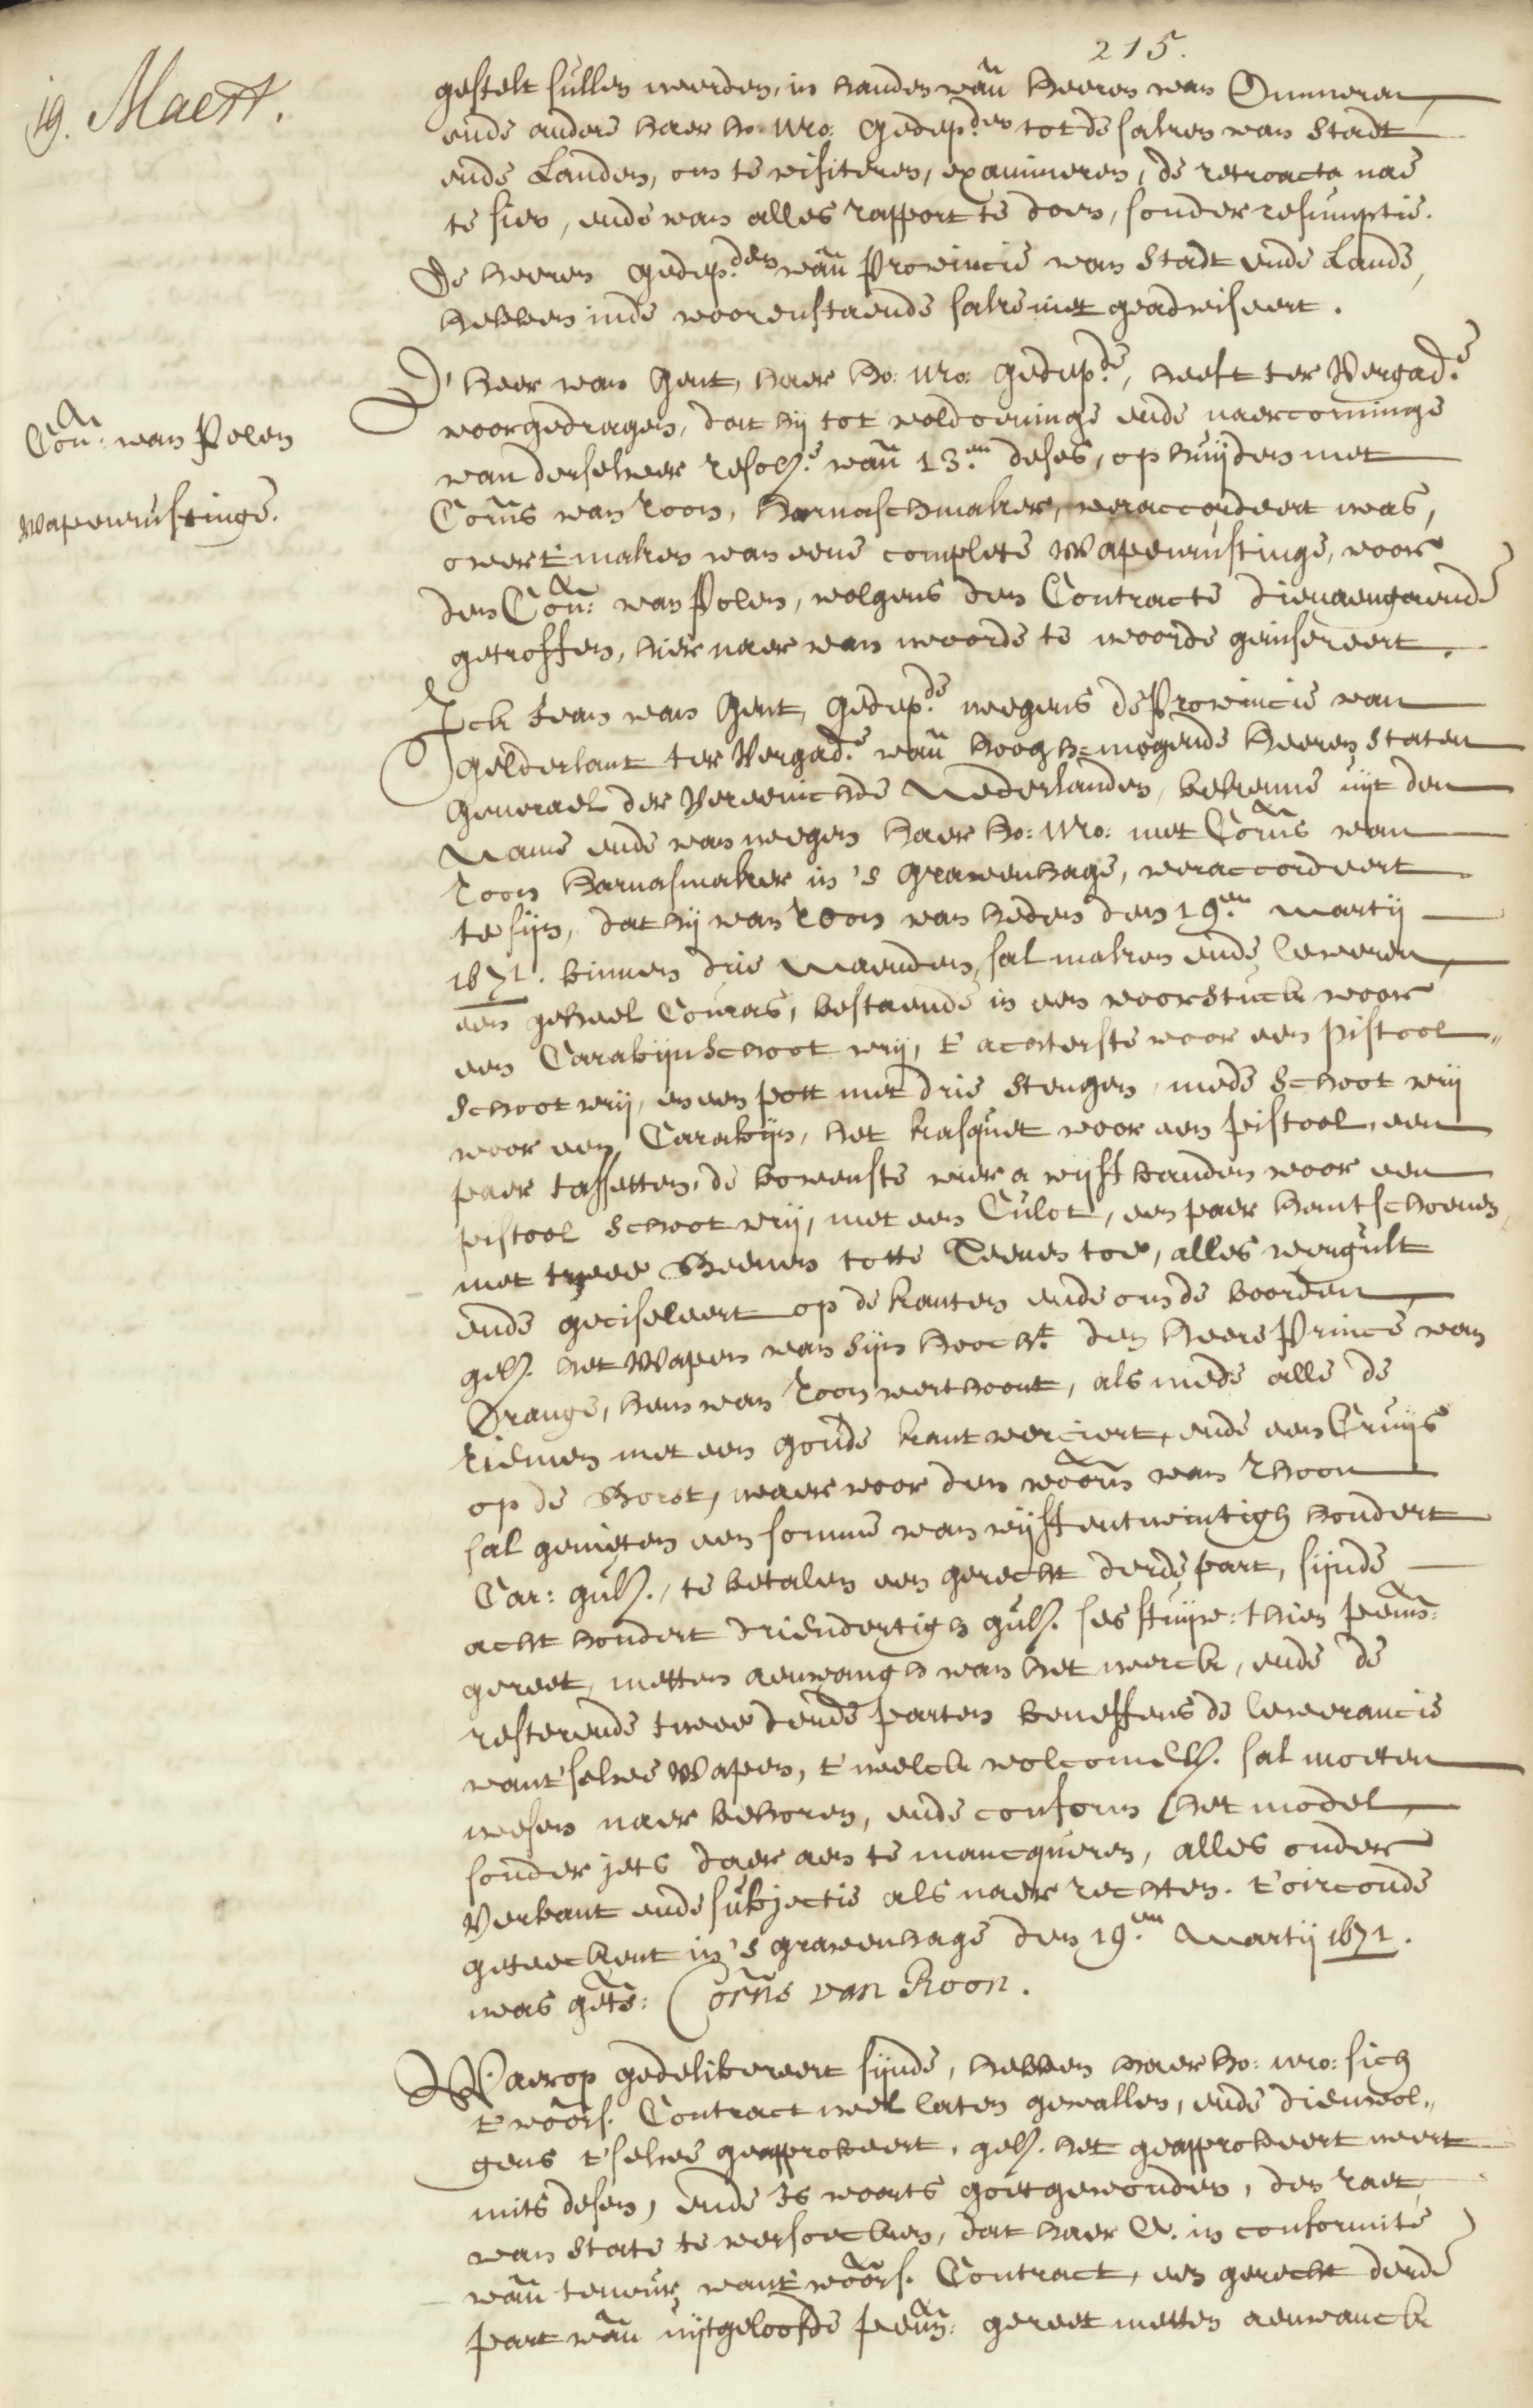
215
19 Maert.
gestelt sullen worden in handen van Heeren van Ommeren,
ende andere haer Ho:Mo: Gedep.den tot de saken van Stadt
ende Landen, om te visiteren, examineren, de retroacta nae
te sien, ende van alles rapport te doen, sonder resumptie.
De heeren Gedep.den van Provincie van Stadt ende Lande
hebben in de voorenstaende sake niet geadviseert.
Con. van Polen
wapenrustinge
D' heer van Gent haer Ho:Mo: gedepde, heeft ter vergad.e
voorgedragen dat hij tot voldoeninge ende naecominge
van derselver resol.e van 13en deses, op huijden met
Corns van roon, Harnaschmaker, veraccordeert was,
over t' maken van eene complete Wapenrustinge voor
den Con. van Polen, volgens den Contracte dienaengaende
getroffen, hier naer van woorde te worde geinsereert.
Ick Joan van Gent, Gedep.de wegens de Provincie van
Gelderlant ter Vergad.e van Hoogh=mogende Heeren staten
Generael der Vereenichde Nederlanden, bekenne uijt den
name ende van wegen Haer Ho:Mo: met Corns van
roon Harnasmaker in 's Gravenhage, veraccordeert
te sijn, dat hij van van roon van heden den 19en martij —
1671 binnen drie maenden sal maken ende leveren
een geheel couras, bestaende in een voorstuck voor
een Carabijnschoot vrij, t' achterste voor een Pistool
schoot vrij, eenen pott met drie stengen mede schoot vrij
voor een Carabijn, het kasquet voor een pistool, een
paer tassetten de bovenste vier a vijff banden voor een
pistool schoot vrij, met een Culot, een paer hantschoenen
met twee Beenen totte Teenen toe, alles vergult
ende geciseleert op de kanten ende om de boorden
gel. het Wapen van sijn Hoocht. den Heere Prince van
Orange, hem van roon verthoont, als mede alle de
riemen met een goude kant verciert, ende een Cruijs
op de Borst, waer voor den voorn. van rhoon
sal genieten een somme van vijffentwintigh hondert
Car: gul., te betalen een gerecht derde part, sijnde
acht hondert driendertigh gul., ses stuijve: thien penn.
gereet, metten aenvangh van het werck, ende de
resterende twee derde parten beneffens de leverancie
vant' selve wapen, t' welck volcomel. sal moeten
wesen naer behoren, ende conform het model
sonder iets daer aen te mancqueren, alles onder
verbant ende subjectie als naer rechten.t'oirconde
geteeckent in 's gravenhage den 19en martij 1671.
Was get.t: Corns van Roon.
Waerop gedelibereert sijnde, hebben haer Ho:Mo: sich
t' voors. contract wel laten gevallen ende dienvol„
gens t' selve geapprobeert, gel. het geapprobeert wert
mits desen, ende is voorts goetgevonden, den raet
van state te versoecken dat Haer E. in confirmite
van teneur vant' voors. Contract, een gerecht derde
part van uijtgeloofde penn. gereet metten aenvanck
